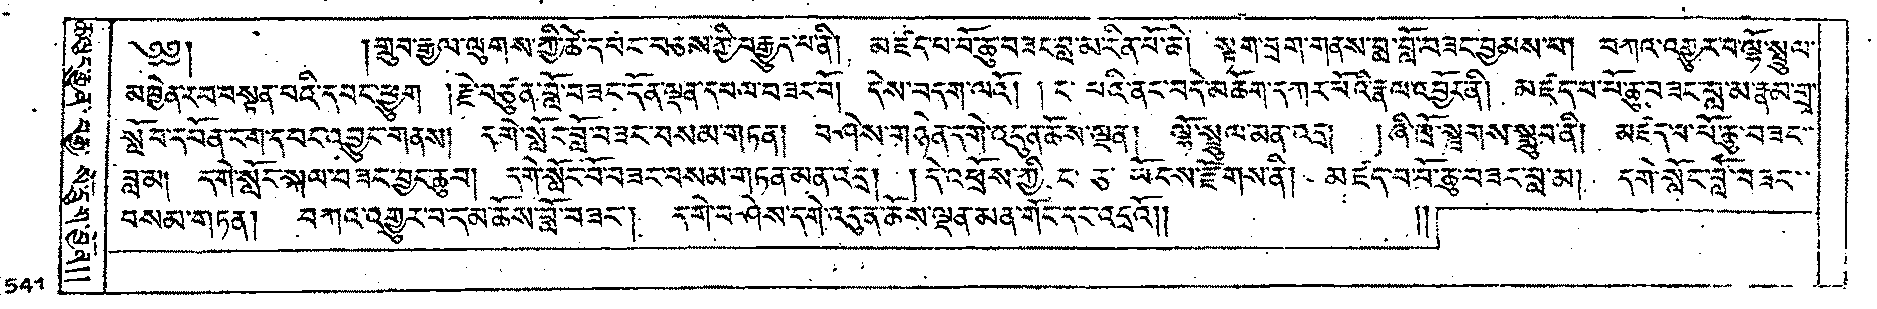༄༅། །གྲུབ་རྒྱལ་ལུགས་ཀྱི་ཚེ་དབང་བཅས་ཀྱི་བརྒྱུད་པ་ནི། མཛད་པ་པོ་ཆུ་བཟང་བླ་མ་རིན་པོ་ཆེ། སྟག་བྲག་གནས་བླ་བློ་བཟང་བྱམས་པ། བཀའ་འགྱུར་བ་ལྷོ་སྤྲུལ་
མཁྱེན་རབ་བསྟན་པའི་དབང་ཕྱུག །རྗེ་བཙུན་བློ་བཟང་དོན་ལྡན་དཔལ་བཟང་པོ། དེས་བདག་ལའོ། །ང་པའི་ནང་བདེ་མཆོག་དཀར་པོའི་རྣལ་འབྱོར་ནི། མཛད་པ་པོ་ཆུ་བཟང་བླ་མ་རྣམ་གྲྭ་
སློབ་དཔོན་ངག་དབང་འབྱུང་གནས། དགེ་སློང་བློ་བཟང་བསམ་གཏན། བཤེས་གཉེན་དགེ་འདུན་ཆོས་ལྡན། ལྷོ་སྤྲུལ་མན་འདྲ། །ཞི་ཁྲོ་སྦྲགས་སྒྲུབ་ནི། མཛད་པ་པོ་ཆུ་བཟང་
བླ་མ། དགེ་སློང་སྐལ་བཟང་བྱང་ཆུབ། དགེ་སློང་བོ་བཟང་བསམ་གཏན་མན་འདྲ། །དེ་འཕྲོས་ཀྱི་ང་ཅ་ཡོངས་རྫོགས་ནི། མཛད་པ་པོ་ཆུ་བཟང་བླ་མ། དགེ་སློང་བློ་བཟང་
བསམ་གཏན། བཀའ་འགྱུར་བ་དམ་ཆོས་བློ་བཟང་། དགེ་བཤེས་འདུན་ཆོས་ལྡན་མང་གོང་དང་འདྲའོ།། །།